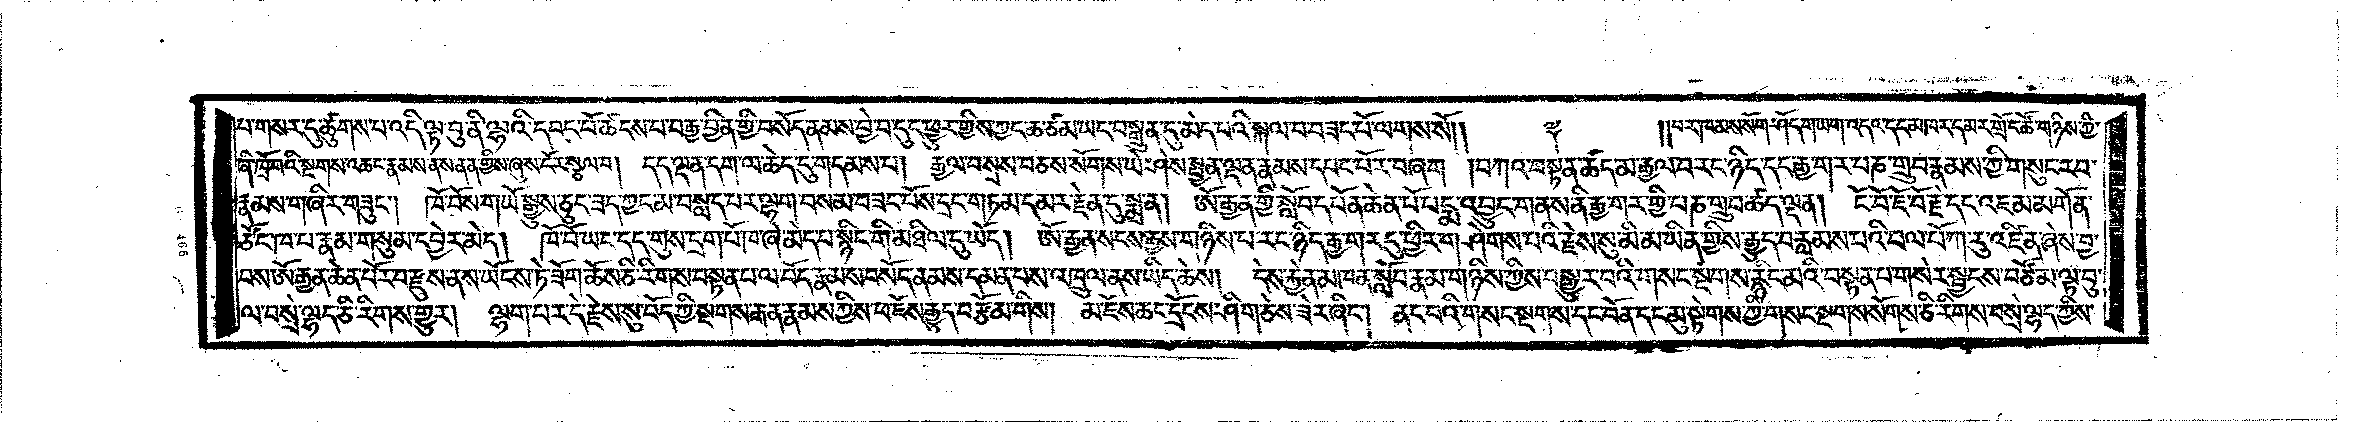པ་གསར་དུ་ཚུགས་པ་འདི་ལྟ་བུ་ནི་ལྷའི་དབང་པོ་ཚངས་པ་བརྒྱ་བྱིན་གྱི་བསོད་ནམས་བྱེ་བ་དུང་ཕྱུར་གྱིས་ཀྱང་ཆ་ཙམ་ཡང་བསྒྲུན་དུ་མེད་པའི་སྐལ་བ་བཟང་པོ་ལགས་སོ།། ༈ །། བར་ཁམས་སོག་ཤོ་དག་ག་འདའ་དང་མཁར་དམར་གྲོང་ཚོ་གཉིས་ཀྱི་
ཞི་ཁྲོ་བའི་སྔགས་འཆང་རྣམས་ནས་ནན་གྱིས་ཞུས་ངོར་སྩལ་བ། དད་ལྡན་དག་ལ་ཆེད་དུ་གདམས་པ། རྒྱལ་བ་སྲས་བཅས་སོགས་ཡེ་ཤེས་སྤྱན་ལྡན་རྣམས་དབང་པོར་བཞག །བཀའ་བསྟན་ཚད་མ་རྒྱལ་བ་རང་ཉིད་དང་རྒྱ་གར་པཎ་གྲུབ་རྣམས་ཀྱི་གསུང་རབ་
རྣམས་གཞིར་གཟུང་། ཁོ་བོས་གཡོ་སྒྱུས་ཅུང་ཟད་ཀྱང་མ་བསླད་པར་ལྷག་བསམ་བཟང་པོས་དྲང་གཏམ་དམར་རྗེན་དུ་སྨྲ་ན། ཨོ་རྒྱན་གྱི་སློབ་དཔོན་ཆེན་པོ་པདམ་འབྱུང་གནས་ནི་རྒྱ་གར་གྱི་པཎ་གྲུབ་ཚད་ལྡན། ངོ་བོ་ཇོ་བོ་རྗེ་དང་འཇམ་མགོན་
ཙོང་ཁ་པ་རྣམ་གསུམ་དབྱེར་མེད། ཁོ་བོ་ཡང་དད་གུས་དྲག་པོ་ཁ་ཞེ་མེད་པ་སྙིང་གི་མཐིལ་དུ་ཡོད། ཨོ་རྒྱན་སངས་རྒྱས་གཉིས་པ་རང་ཉིད་རྒྱ་གར་དུ་ཕྱིར་གཤེགས་པའི་རྗེས་སུ་མི་མ་ཡིན་གྱིས་རྒྱུད་བརླམས་པའི་བལ་པོ་ཀ་རུ་འཛིན་ཞེས་བྱ་
བས་ཨོ་རྒྱན་ཆེན་པོར་བརྫུས་ནས་ཡོངས་ཏེ་ཟོག་ཆོས་ཅི་རིགས་བསྟན་པ་ལ་བོད་རྣམས་བསོད་ནམས་དམན་པས་འཁྲུལ་ནས་ཡིད་ཆེས། དེས་རྐྱེན་མཁན་སློབ་རྣམ་གཉིས་ཀྱིས་བསྒྱུར་བའི་གསང་སྔགས་རྙིང་མའི་བསྟན་པ་གསེར་སྦྱངས་བཙོམ་ལྟ་བུ་
ལ་བསྲེ་ལྡན་ཅི་རིགས་གྱུར། ལྷག་པར་དེ་རྗེས་སུ་བོད་ཀྱི་སྔགས་རྒན་རྣམས་ཀྱིས་ཕ་ཇོས་རྒྱུད་བརྩོམ་གིས། མ་ཇོས་ཆང་དྲོངས་ཤིག་ཅེས་ཟེར་ཞིང་། ནང་བའི་གསང་སྔགས་དང་བོན་དང་མུ་སྟེགས་ཀྱི་གསང་སྔགས་སོགས་ཅི་རིགས་བསྲེ་ལྷད་ཀྱིས་